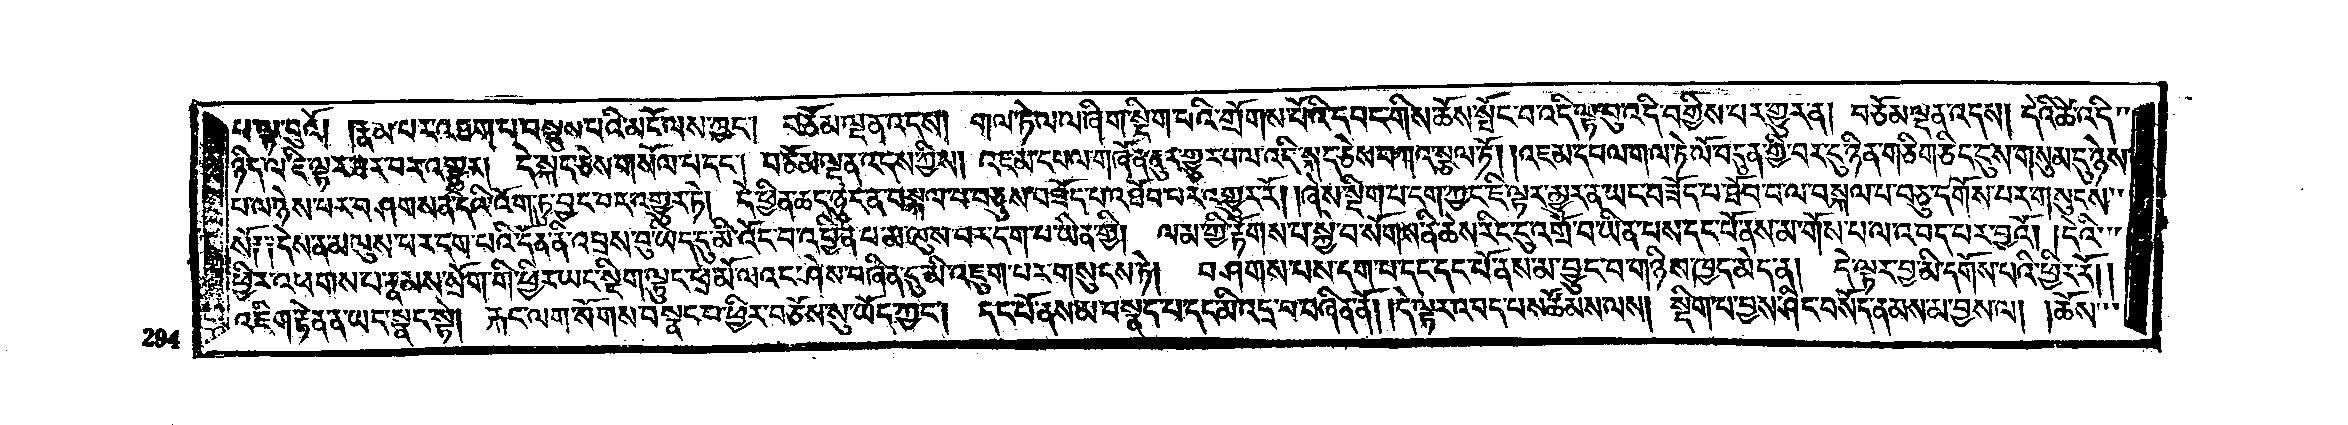པ་ལྟ་བུའོ། །རྣམ་པར་འཐག་པ་བསྡུས་པའི་མདོ་ལས་ཀྱང་། བཅོམ་ལྡན་འདས། གལ་ཏེ་ལ་ལ་ཞིག་སྡིག་པའི་གྲོགས་པོའི་དབང་གིས་ཆོས་སྤོང་བ་འདི་ལྟ་བུ་འདི་བགྱིས་པར་གྱུར་ན། བཅོམ་ལྡན་འདས། དེའི་ཚེ་འདི་
ཉིད་ལ་ཇི་ལྟར་ཐར་བར་འགྱུར། དེ་སྐད་ཅེས་གསོལ་པ་དང་། བཅོམ་ལྡན་འདས་ཀྱིས། འཇམ་དཔལ་གཞོན་ནུར་གྱུར་པ་ལ་འདི་སྐད་ཅེས་བཀའ་སྩལ་ཏོ། །འཇམ་དཔལ་གལ་ཏེ་ལོ་བདུན་གྱི་བར་དུ་ཉིན་གཅིག་ཅིང་དུས་གསུམ་དུ་ཉེས་
པ་ལ་ཉེས་པར་བཤགས་ན་དེའི་འོག་ཏུ་བྱང་བར་འགྱུར་ཏེ། དེ་ཕྱིན་ཆད་ཉུང་ན་བསྐལ་པ་བཅུས་བཟོད་པ་འཐོབ་པར་འགྱུར་རོ། །ཞེས་སྡིག་པ་དག་ཀྱང་ཇི་ལྟར་མྱུར་ན་ཡང་བཟོད་པ་ཐོབ་པ་ལ་བསྐལ་པ་བཅུ་དགོས་པར་གསུངས་
སོ༑ ༑དེས་ན་མ་ལུས་པར་དག་པའི་དོན་ནི་འབྲས་བུ་ཡིད་དུ་མི་འོང་བ་འབྱིན་པ་མ་ལུས་པར་དག་པ་ཡིན་གྱི། ལམ་གྱི་རྟོགས་པ་སྐྱེ་བ་སོགས་ནི་ཆེས་རིང་དུ་འགྲོ་བ་ཡིན་པས་དང་པོ་ནས་མ་གོས་པ་ལ་འབད་པར་བྱའོ། །དེའི་
ཕྱིར་འཕགས་པ་རྣམས་སྲོག་གི་ཕྱིར་ཡང་སྡིག་ལྟུང་ཕྲ་མོ་ལའང་ཤེས་བཞིན་དུ་མི་འཇུག་པར་གསུངས་ཏེ། བཤགས་པས་དག་པ་དང་དང་པོ་ནས་མ་བྱུང་བ་གཉིས་ཁྱད་མེད་ན། དེ་ལྟར་བྱ་མི་དགོས་པའི་ཕྱིར་རོ། །
འཇིག་རྟེན་ན་ཡང་སྣང་སྟེ། རྐང་ལག་སོགས་བསྣད་པ་ཕྱིར་བཅོས་སུ་ཡོད་ཀྱང་། དང་པོ་ནས་མ་བསྣད་པ་དང་མི་འདྲ་བ་བཞིན་ནོ། །དེ་ལྟར་འབད་པས་ཚོམས་ལས། སྡིག་པ་བྱས་ཤིང་བསོད་ནམས་མ་བྱས་ལ། །ཆོས་